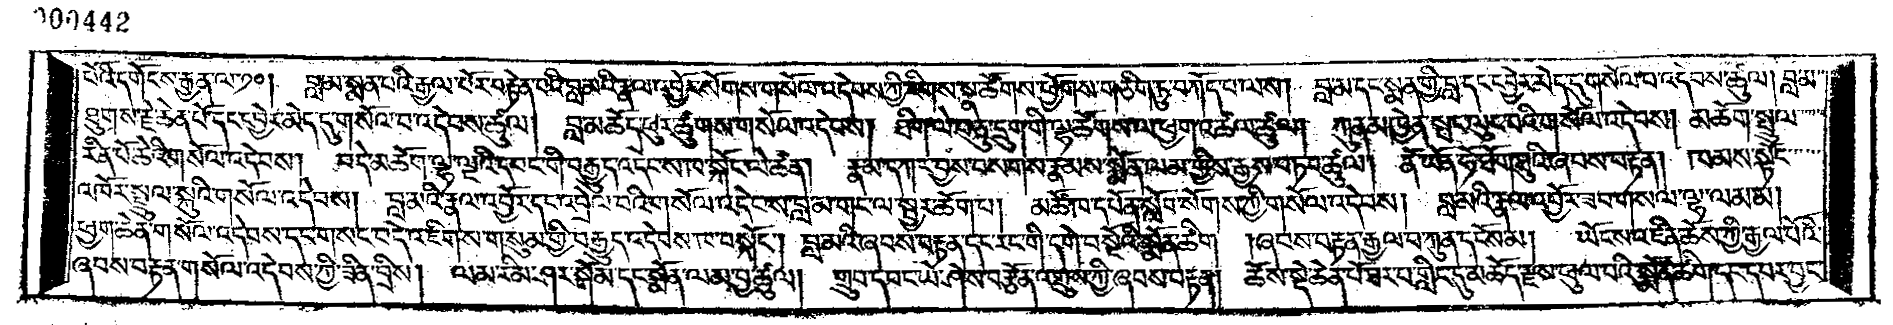པོའི་དགོངས་རྒྱན་ལ༡༠། བླ་མ་སྨན་པའི་རྒྱལ་པོར་བརྟེན་པའི་བླ་མའི་རྣལ་འབྱོར་སོགས་གསོལ་འདེབས་ཀྱི་རིགས་སྣ་ཚོགས་ཕྱོགས་གཅིག་ཏུ་བཀོད་པ་ལས། བླ་མ་དང་སྨན་གྱི་བླ་དང་དབྱེར་མེད་དུ་གསོལ་བ་འདེབས་ཚུལ། བླ་མ་
ཐུགས་རྗེ་ཆེན་པོ་དང་དབྱེར་མེད་དུ་གསོལ་བ་འདེབས་ཚུལ། བླ་མཆོད་ཕུར་ཚུགས་གསོལ་འདེབས། ཐིག་ལེ་བཅུ་དྲུག་གི་ལྷ་ཚོགས་ལ་ཕྱག་འཚལ་ཚུལ། ཀུན་མཁྱེན་སྤང་ལུང་བའི་གསོལ་འདེབས། མཆོག་སྤྲུལ་
རིན་པོ་ཆེའི་གསོལ་འདེབས། བདེ་མཆོག་ལྷ་ལྔའི་དབང་གི་བརྒྱུད་འདེབས་ཁ་སྐོང་ལེ་ཚན། རྣམ་དཀར་བྱས་བསགས་རྣམས་སྨོན་ལམ་གྱིས་རྒྱས་བཏབ་ཚུལ། ནོ་ཡོན་ཧོ་ཐོག་ཐུའི་ཞབས་བརྟན། ཁམས་སྟོང་
འཁོར་སྤྲུལ་སྐུའི་གསོལ་འདེབས། བླ་མའི་རྣལ་འབྱོར་དང་འབྲེལ་བའི་གསོལ་འདེབས་བླ་མ་གང་ལ་སྦྱར་ཆོག་པ། མཚོ་ཁ་དཔོན་སློབ་སོགས་ཀྱི་གསོལ་འདེབས། བླ་མའི་རྣལ་འབྱོར་ཟབ་གསལ་ལྷ་ལམ་མ།
ཕྱག་ཆེན་གསོལ་འདེབས་དང་གསང་བདེ་འཇིགས་གསུམ་གྱི་བརྒྱུད་འདེབས་ཁ་བསྐོང་། བླ་མའི་ཞབས་བརྟན་དང་རང་གི་དགེ་བསྔོའི་སྨོན་ཚིག །ཞབས་བརྟན་རྒྱལ་བ་ཀུན་དངོས་མ། ཡོངས་འཛིན་ཆོས་ཀྱི་རྒྱལ་པོའི་
ཞབས་བརྟན་གསོལ་འདེབས་ཀྱི་ཟིན་བྲིས། ལམ་རིམ་ཤར་སྒོམ་དང་སྨོན་ལམ་བྱ་ཚུལ། གྲུབ་དབང་ཡེ་ཤེས་བརྩོན་འགྲུས་ཀྱི་ཞབས་བརྟན། ཆོས་སྡེ་ཆེན་པོ་ཐར་པ་གླིང་དུ་མཆོད་རྫས་ཕུལ་བའི་སྨོན་ཚིག་དང་དཔར་བྱང་